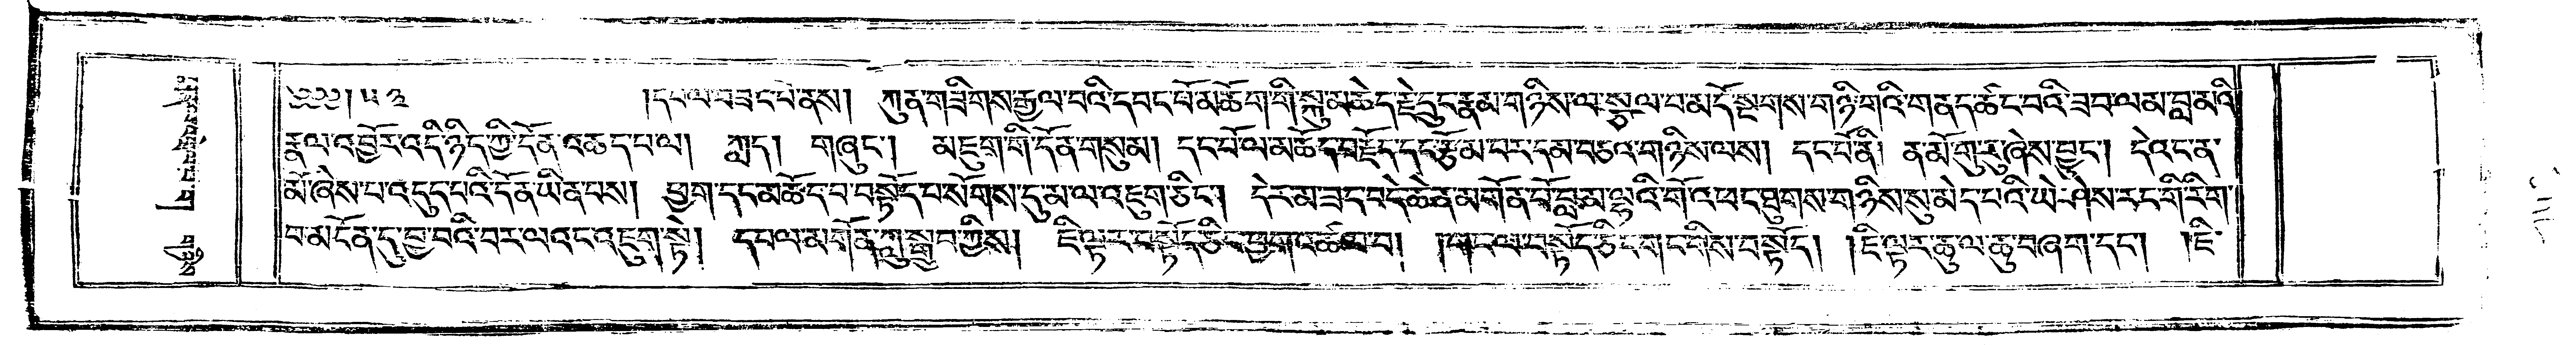༄༅༅། །༥༣་།དཔལ་བཟང་པོ་ནས། ཀུན་གཟིགས་རྒྱལ་བའི་དབང་པོ་མཆོག་གི་སྐུ་མཆེད་རྗེ་དྲུང་རྣམས་གཉིས་ལ་སྩལ་བ་མདོ་སྔགས་གཉི་གའི་གནད་ཚང་བའི་ཟབ་ལམ་བླ་མའི་
རྣལ་འབྱོར་འདི་ཉིད་ཀྱི་དོན་འཆད་པ་ལ། ཀླད། གཞུང་། མཇུག་གི་དོན་གསུམ། དང་པོ་ལ་མཆོད་བརྗོད་དང་རྩོམ་པར་དམ་བཅའ་གཉིས་ལས། དང་པོ་ནི། ན་མོ་གུ་རུ་ཞེས་བྱུང་། །དེའང་ན་
མོ་ཞེས་པ་འདུད་པའི་དོན་ཡིན་པས། ཕྱག་དང་མཆོད་པ་བསྟོད་པ་སོགས་དུ་མ་ལ་འཇུག་ཅིང་། དེར་མ་ཟད་བདེ་ཆེན་མགོན་པོ་བླ་མ་ལྷའི་གོ་འཕང་ཐུགས་གཉིས་སུ་མེད་པའི་ཡེ་ཤེས་རང་གི་རིག་
པ་མངོན་དུ་བྱ་བའི་བར་ལའང་འཇུག་སྟེ། དཔལ་མགོན་ཀླུ་སྒྲུབ་ཀྱིས། ཇི་ལྟར་བསྟོད་ཅིང་ཕྱག་འཚལ་བ། །གང་ལ་བསྟོད་ཅིང་གང་གིས་བསྟོད། །ཇི་ལྟར་ཆུ་ལ་ཆུ་བཞག་དང་། །ཇི་